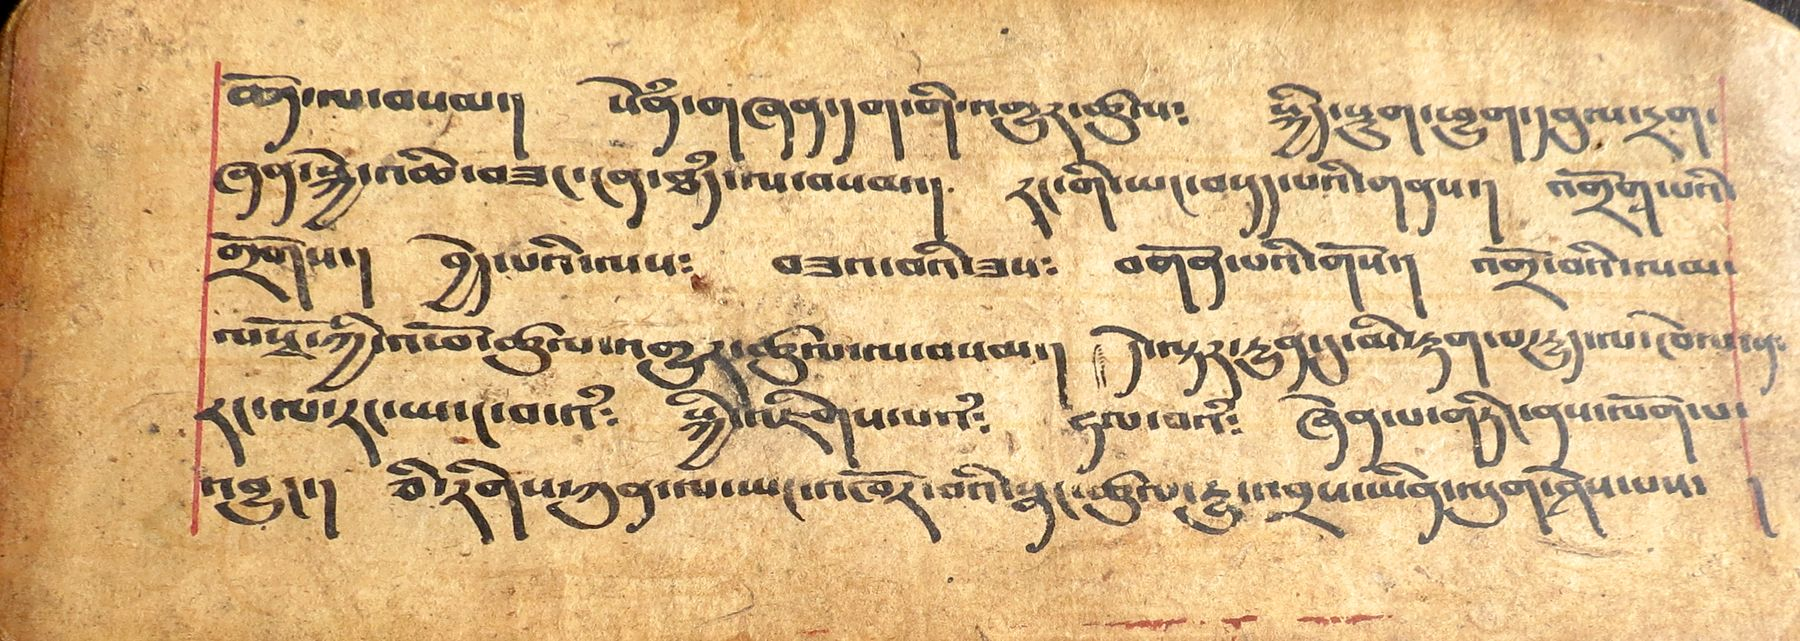ཆོད་ལ་བསམ། སེམས་ཅན་གཞན་དག་གི་འགྱུར་ཚུལ། སྐྱིད་སྡུག་ཕྱུག་དབུལ་དྲག་
ཞན་སྐྱེ་འཆི་བཟང་ངན་ཐམས་ཅད་ལ་བསམ། རང་གི་ཡང་སྡོད་པའི་གནས། འགྲོགས་པའི་
གྲོགས། བྱེད་པའི་ལས། བཟའ་བའི་ཟས། གོན་པའི་གོས། འགྲོ་བའི་ལམ་
ལ་སོགས་ཀྱི་འཕོ་ཚུལ་འགྱུར་ཚུལ་ལ་བསམ། ད་ལྟར་རྒྱུན་དུ་མི་རྟག་རྒྱུད་ལ་ཁེལ་ན། 
རང་ལ་རང་ཡ་ང་བའམ། སྐྱེ་འཇིག་པའམ། ཧལ་བའམ། ཞེན་པ་གཏིང་ནས་ལོག་པ་
འབྱུང་། ཅི་རིགས་པ་ཀུན་ལ་ཡང་འཁོར་བའི་སྣང་ཚུལ་རྒྱུ་འབྲས་ཡིན་ལུགས་ཤེས་པས་